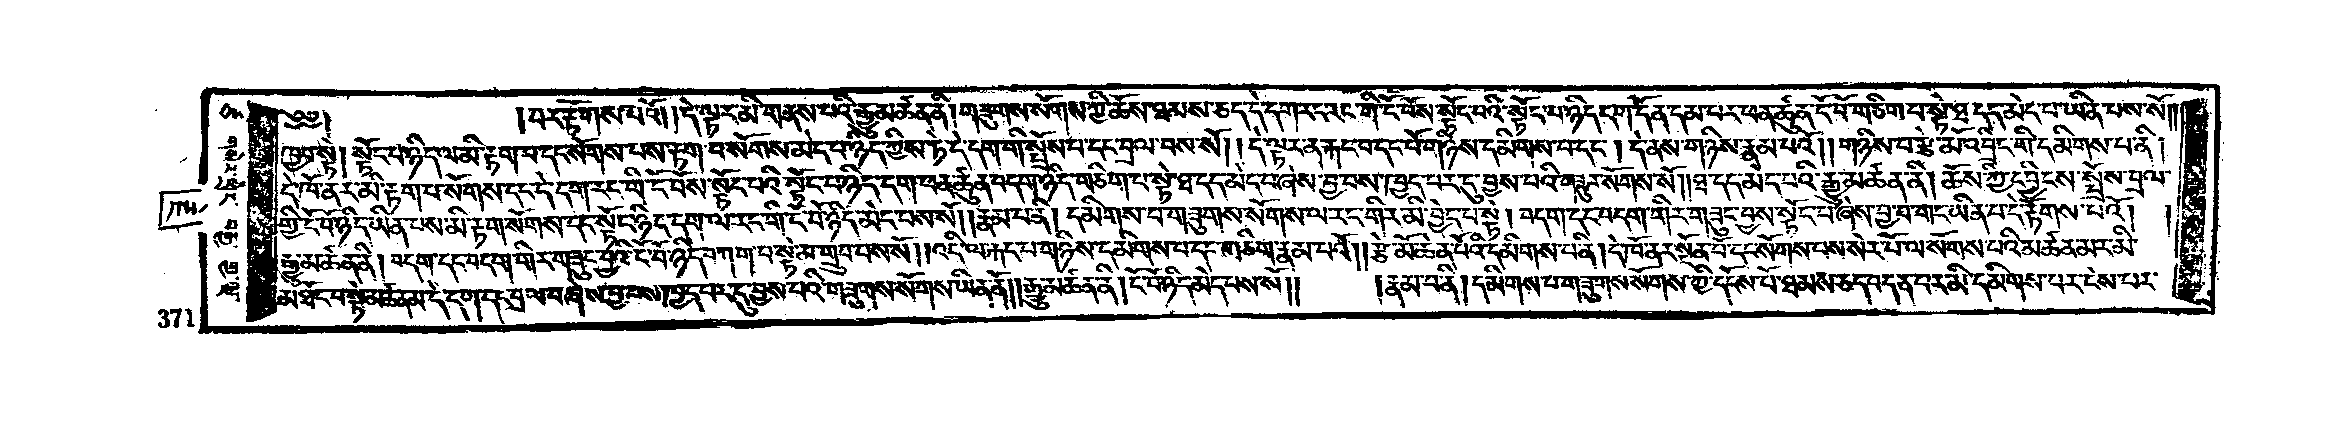༄༅། །བར་རྟོགས་པའོ། །དེ་ལྟར་མི་གནས་པའི་རྒྱུ་མཚན་ནི། གཟུགས་སོགས་ཀྱི་ཆོས་ཐམས་ཅད་དེ་དག་རང་རང་གི་ངོ་བོས་སྟོང་པའི་སྟོང་པ་ཉིད་དག་དོན་དམ་པར་ཕན་ཚུན་ངོ་བོ་གཅིག་པ་སྟེ་ཐ་དད་མེད་པ་ཡིན་པས་སོ། །
ཁྱབ་སྟེ། སྟོང་པ་ཉིད་ལ་མི་རྟག་པ་དང་སོགས་པས་རྟག་པ་སོགས་མེད་པ་ཉིད་ཀྱིས་ཏེ་དེ་དག་གི་སྤྲོས་པ་དང་བྲལ་བས་སོ། །དེ་ལྟར་ན་རྐང་པ་དང་པོ་གཉིས་དམིགས་པ་དང་། དེ་ནས་གཉིས་རྣམ་པའོ། །གཉིས་པ་རྩེ་མོ་འབྲིང་གི་དམིགས་པ་ནི།
དེ་ཁོ་ནར་མི་རྟག་པ་སོགས་དང་དེ་དག་རང་གི་ངོ་བོས་སྟོང་པའི་སྟོང་པ་ཉིད་དག་ཕན་ཚུན་བདག་ཉིད་གཅིག་པ་སྟེ་ཐ་དད་མེད་པ་ཞེས་བྱ་བས་ཁྱད་པར་དུ་བྱས་པའི་གཟུགས་སོགས་སོ། །ཐ་དད་མེད་པའི་རྒྱུ་མཚན་ནི། ཆོས་ཀྱི་དབྱིངས་སྤྲོས་བྲལ་
གྱི་ངོ་བོ་ཉིད་ཡིན་པས་མི་རྟག་སོགས་དང་སྟོང་ཉིད་དག་ལ་རང་གི་ངོ་བོ་ཉིད་མེད་པས་སོ། །རྣམ་པ་ནི། དམིགས་པ་གཟུགས་སོགས་ལ་རང་གིར་མི་བྱེད་པ་སྟེ། བདག་དང་བདག་གིར་གཟུང་བྱས་སྟོང་པ་ཞེས་བྱ་བ་གང་ཡིན་པ་དེ་རྟོགས་པའོ། །
རྒྱུ་མཚན་ནི། བདག་དང་བདག་གིར་གཟུང་བྱའི་ངོ་བོ་ཉིད་བཀག་པ་སྟེ་མ་གྲུབ་པས་སོ། །འདི་ལ་རྐང་པ་གཉིས་དམིགས་པ་དང་གཅིག་རྣམ་པའོ། །རྩེ་མོ་ཆེན་པོའི་དམིགས་པ་ནི། དེ་ཁོ་ནར་སྔོན་པོ་དང་སོགས་པས་སེར་ཕོ་ལ་སོགས་པའི་མཚན་མར་མི་
མཐོང་བ་སྟེ་མཚན་མ་དེ་དག་དང་བྲལ་བ་ཞེས་བྱ་བས་ཁྱད་པར་དུ་བྱས་པའི་གཟུགས་སོགས་ཡིན་ནོ། །རྒྱུ་མཚན་ནི། ངོ་བོ་ཉིད་མེད་པས་སོ། །རྣམ་པ་ནི། དམིགས་པ་གཟུགས་སོགས་ཀྱི་དངོས་པོ་ཐམས་ཅད་བདན་པར་མི་དམིགས་པར་ངེས་པར་